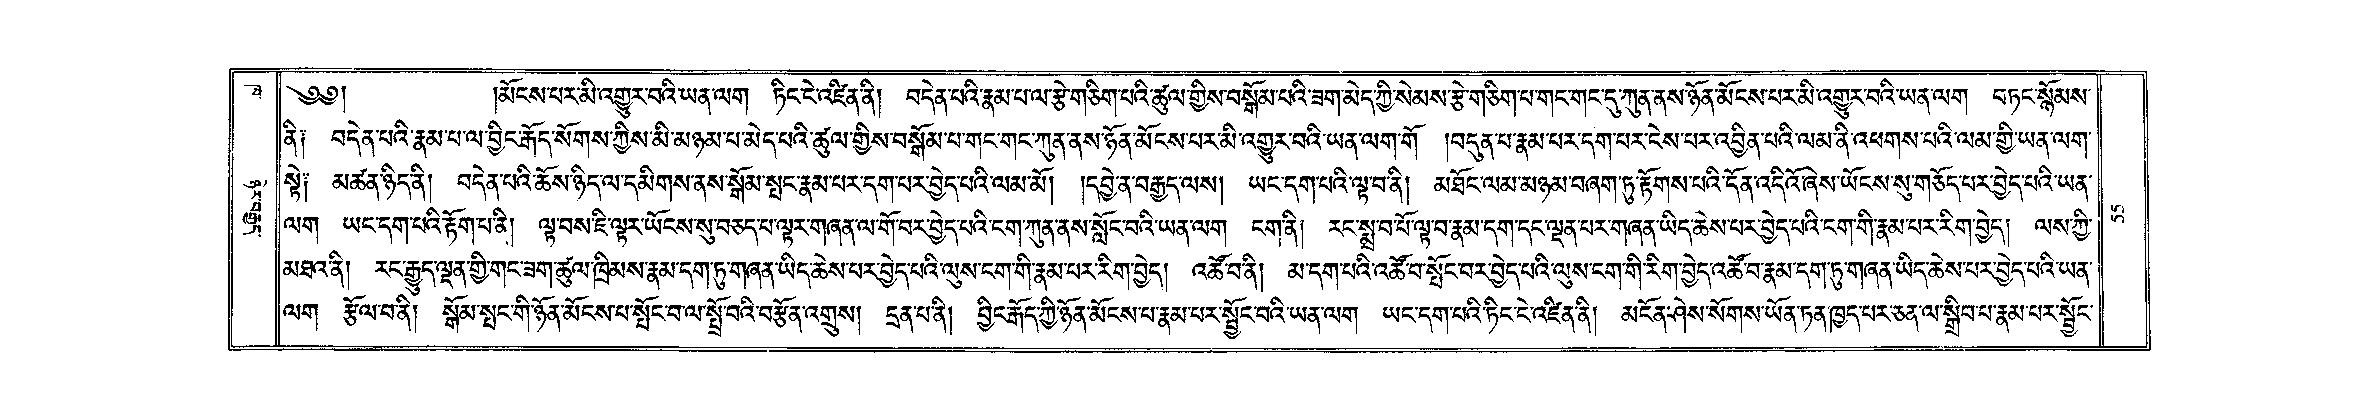༄༅། །མོངས་པར་མི་འགྱུར་བའི་ཡན་ལག་ཏིང་ངེ་འཛིན་ནི། བདེན་པའི་རྣམ་པ་ལ་རྩེ་གཅིག་པའི་ཚུལ་གྱིས་བསྒོམ་པའི་ཟག་མེད་ཀྱི་སེམས་རྩེ་གཅིག་པ་གང་གང་དུ་ཀུན་ནས་ཉོན་མོངས་པར་མི་འགྱུར་བའི་ཡན་ལག་བཏང་སྙོམས་
ནི༑ བདེན་པའི་རྣམ་པ་ལ་བྱིང་རྒོད་སོགས་ཀྱིས་མི་མཉམ་པ་མེད་པའི་ཚུལ་གྱིས་བསྒོམ་པ་གང་གང་ཀུན་ནས་ཉོན་མོངས་པར་མི་འགྱུར་བའི་ཡན་ལག་གོ །བདུན་པ་རྣམ་པར་དག་པར་ངེས་པར་འབྱིན་པའི་ལམ་ནི་འཕགས་པའི་ལམ་གྱི་ཡན་ལག་
སྟེ༑ མཚན་ཉིད་ནི། བདེན་པའི་ཆོས་ཉིད་ལ་དམིགས་ནས་སྒོམ་སྤང་རྣམ་པར་དག་པར་བྱེད་པའི་ལམ་མོ། །དབྱེ་ན་བརྒྱད་ལས། ཡང་དག་པའི་ལྟ་བ་ནི། མཐོང་ལམ་མཉམ་བཞག་ཏུ་རྟོགས་པའི་དོན་འདིའོ་ཞེས་ཡོངས་སུ་གཅོད་པར་བྱེད་པའི་ཡན་
ལག་ཡང་དག་པའི་རྟོག་པ་ནི། ལྟ་བས་ཇི་ལྟར་ཡོངས་སུ་བཅད་པ་ལྟར་གཞན་ལ་གོ་བར་བྱེད་པའི་ངག་ཀུན་ནས་སློང་བའི་ཡན་ལག་ངག་ནི། རང་སྨྲ་བ་པོ་ལྟ་བ་རྣམ་དག་དང་ལྡན་པར་གཞན་ཡིད་ཆེས་པར་བྱེད་པའི་ངག་གི་རྣམ་པར་རིག་བྱེད། ལས་ཀྱི་
མཐའ་ནི། རང་རྒྱུད་ལྡན་གྱི་གང་ཟག་ཚུལ་ཁྲིམས་རྣམ་དག་ཏུ་གཞན་ཡིད་ཆེས་པར་བྱེད་པའི་ལུས་ངག་གི་རྣམ་པར་རིག་བྱེད། འཚོ་བ་ནི། མ་དག་པའི་འཚོ་བ་སྤོང་བར་བྱེད་པའི་ལུས་ངག་གི་རིག་བྱེད་འཚོ་བ་རྣམ་དག་ཏུ་གཞན་ཡིད་ཆེས་པར་བྱེད་པའི་ཡན་
ལག་རྩོལ་བ་ནི། སྒོམ་སྤང་གི་ཉོན་མོངས་པ་སྤོང་བ་ལ་སྤྲོ་བའི་བརྩོན་འགྲུས། དྲན་པ་ནི། བྱིང་རྒོད་ཀྱི་ཉོན་མོངས་པ་རྣམ་པར་སྦྱོང་བའི་ཡན་ལག་ཡང་དག་པའི་ཏིང་ངེ་འཛིན་ནི། མངོན་ཤེས་སོགས་ཡོན་ཏན་ཁྱད་པར་ཅན་ལ་སྒྲིབ་པ་རྣམ་པར་སྦྱོང་